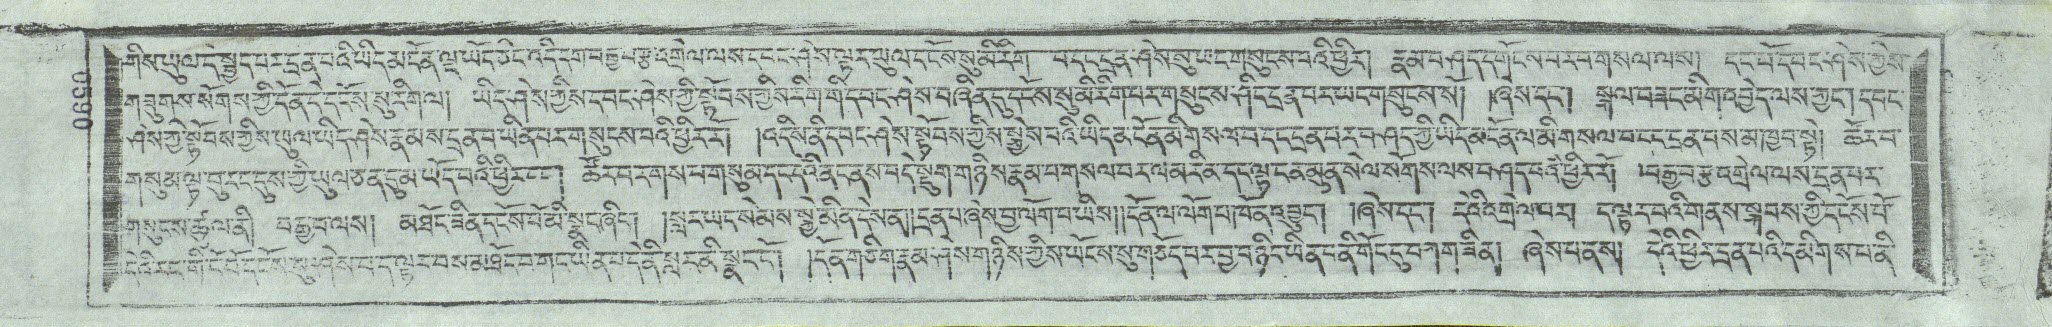གིས་ཡུལ་དེ་སྤྱད་བར་དྲན་པའི་ཡིད་མངོན་ལྔ་ཡོད་ཅིང་འདི་དག་བརྒྱ་པ་རྩ་འགྲེལ་ལས་དབང་ཤེས་ལྟར་ཡུལ་དངོས་སུ་མི་རིག་པ་དང་དྲན་ཤེས་སུ་ཡང་གསུངས་པའི་ཕྱིར། རྣམ་བཤད་དགོངས་པ་རབ་གསལ་ལས། དང་པོ་དབང་ཤེས་ཀྱིས་
གཟུགས་སོགས་ཀྱི་དོན་དེ་དངོས་སུ་རིག་ལ། ཡིད་ཤེས་ཀྱིས་དབང་ཤེས་ཀྱི་སྟོབས་ཀྱིས་རིག་གི་དབང་ཤེས་བཞིན་དུ་དངོས་སུ་མི་རིག་པར་གསུངས་ཤིང་དྲན་པར་ཡང་གསུངས་སོ། །ཞེས་དང་། སྐལ་བཟང་མིག་འབྱེད་ལས་ཀྱང་། དབང་
ཤེས་ཀྱི་སྟོབས་ཀྱིས་ཡུལ་ཡིད་ཤེས་རྣམས་དྲན་པ་ཡིན་པར་གསུངས་པའི་ཕྱིར་རོ། །འདིས་ནི་དབང་ཤེས་སྟོབས་ཀྱིས་སྐྱེས་པའི་ཡིད་མངོན་མི་གསལ་བ་དང་དྲན་པར་བཤད་ཀྱི་ཡིད་མངོན་ལ་མི་གསལ་བ་དང་དྲན་པས་མ་ཁྱབ་སྟེ། ཚོར་བ་
གསུམ་ལྟ་བུ་རང་དུས་ཀྱི་ཡུལ་ཅན་དུ་མ་ཡོད་པའི་ཕྱིར་དང་། ཚོར་བ་རགས་པ་གསུམ་དང་དེའི་ནང་ནས་བདེ་སྡུག་གཉིས་རྣམ་པ་གསལ་བར་ལམ་རིམ་དང་ལྟ་ངན་མུན་སེལ་སོགས་ལས་བཤད་པའི་ཕྱིར་རོ། །བརྒྱ་བ་རྩ་འགྲེལ་ལས་དྲན་པར་
གསུངས་ཚུལ་ནི། བརྒྱ་བ་ལས། མཐོང་ཟིན་དངོས་པོ་མི་སྣང་ཞིང་། །སླར་ཡང་སེམས་སྐྱེ་མིན་དེས་ན། །དྲན་པ་ཞེས་བྱ་ལོག་པ་ཡིས། །དོན་ལ་ལོག་པ་ཁོ་ན་འབྱུང་། །ཞེས་དང་། དེའི་འགྲེལ་པར། ད་ལྟར་བའི་གནས་སྐབས་ཀྱི་དངོས་པོ་
དེའི་རང་གི་ངོ་བོ་དངོས་སུ་ཤེས་པ་ད་ལྟར་བས་མཐོང་བ་གང་ཡིན་པ་དེ་ནི་སླར་མི་སྣང་ངོ། །དོན་གཅིག་རྣམ་ཤེས་གཉིས་ཀྱིས་ཡོངས་སུ་གཅོད་པར་བྱ་བ་ཉིད་ཡིན་པ་ནི་གོང་དུ་བཀག་ཟིན། ཞེས་པ་ནས། དེའི་ཕྱིར་དྲན་པའི་དམིགས་པ་ནི་